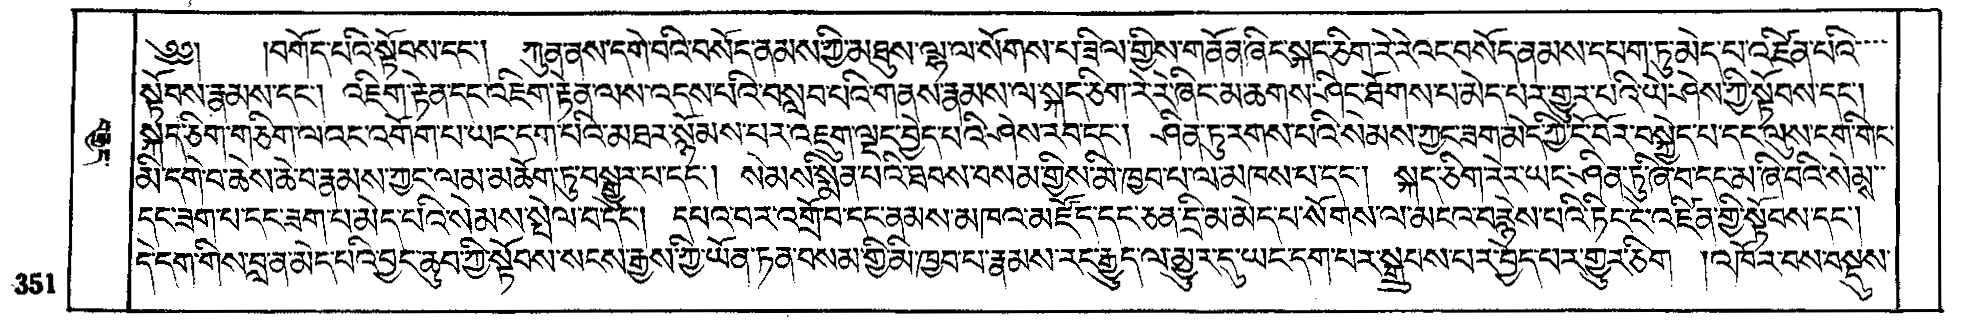༄༅། །བགོད་པའི་སྟོབས་དང་། ཀུན་ནས་དགེ་བའི་བསོད་ནམས་ཀྱི་མཐུས་ལྷ་ལ་སོགས་པ་ཟིལ་གྱིས་གནོན་ཞིང་སྐད་ཅིག་རེ་རེའང་བསོད་ནམས་དཔག་ཏུ་མེད་པ་འཛིན་པའི་
སྟོབས་རྣམས་དང་། འཇིག་རྟེན་དང་འཇིག་རྟེན་ལས་འདས་པའི་བསླབ་པའི་གནས་རྣམས་ལ་སྐད་ཅིག་རེ་རེ་ཞིང་མ་ཆགས་ཤིང་ཐོགས་པ་མེད་པར་གྱུར་པའི་ཡེ་ཤེས་ཀྱི་སྟོབས་དང་།
སྐད་ཅིག་གཅིག་ལའང་འགོག་པ་ཡང་དག་པའི་མཐར་སྙོམས་པར་འཇུག་ལྡང་བྱེད་པའི་ཤེས་རབ་དང་། ཤིན་ཏུ་རགས་པའི་སེམས་ཀྱང་ཟག་མེད་ཀྱི་ངོ་བོར་བསྐྱེད་པ་དང་ལུས་ངག་གིང་
མི་དགེ་བ་ཆེས་ཆེ་བ་རྣམས་ཀྱང་ལམ་མཆོག་ཏུ་བསྒྱུར་བ་དང་། སེམས་སྨིན་པའི་ཐབས་བསམ་གྱིས་མི་ཁྱབ་པ་ལ་མཁས་པ་དང་། སྐད་ཅིག་རེར་ཡང་ཤིན་ཏུ་ཞི་བ་དང་མ་ཞི་བའི་སེམས་
དང་ཟག་པ་དང་ཟག་པ་མེད་པའི་སེམས་སྤེལ་བ་དང་། དཔའ་བར་འགྲོ་བ་དང་ནམས་མཁའ་མཛོད་དང་ཅན་དྲི་མ་མེད་པ་སོགས་ལ་མངའ་བརྙེས་པའི་ཏིང་ངེ་འཛིན་གྱི་སྟོབས་དང་།
དེ་དག་གིས་བླ་ན་མེད་པའི་བྱང་ཆུབ་ཀྱི་སྟོབས་སངས་རྒྱས་ཀྱི་ཡོན་ཏན་བསམ་གྱི་མི་ཁྱབ་པ་རྣམས་རང་རྒྱུད་ལ་མྱུར་དུ་ཡང་དག་པར་སྒྲུབས་པར་བྱེད་པར་གྱུར་ཅིག །འཁོར་བས་བསྡུས་